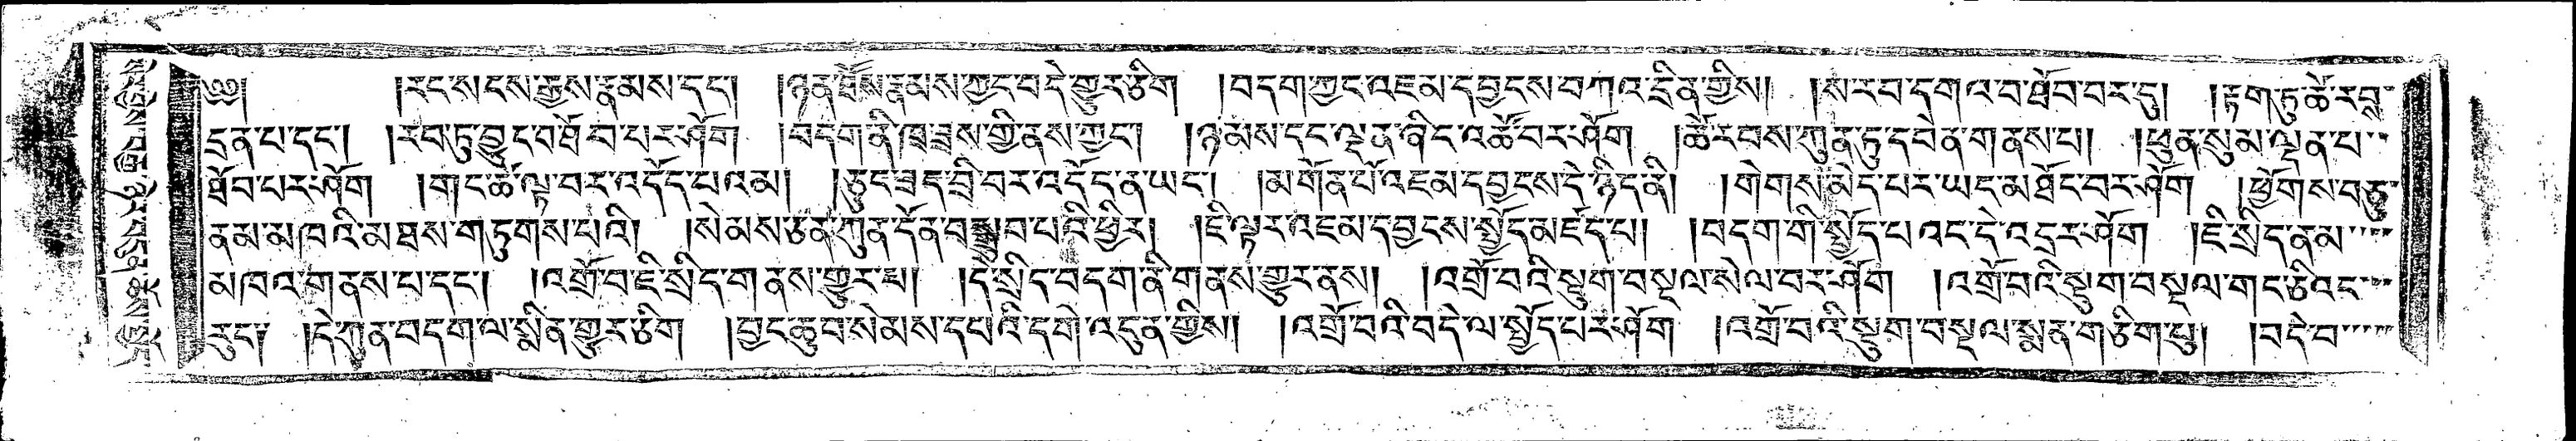༄༅། །རང་སངས་རྒྱས་རྣམས་དང་། །ཉན་ཐོས་རྣམས་ཀྱང་བདེ་གྱུར་ཅིག །བདག་ཀྱང་འཇམ་དབྱངས་བཀའ་དྲིན་གྱིས། །ས་རབ་དགའ་བ་ཐོབ་པར་དུ། །རྟག་ཏུ་ཚེ་རབས་
དྲན་པ་དང་། །རབ་ཏུ་བྱུང་བ་ཐོབ་པར་ཤོག །བདག་ནི་ཁ་ཟས་གྱི་ནས་ཀྱང་། །ཉམས་དང་ལྡན་ཞིང་འཚོ་བར་ཤོག །ཚེ་རབས་ཀུན་ཏུ་དབེན་གནས་པ། །ཕུན་སུམ་ལྡན་པ་
ཐོབ་པར་ཤོག །གང་ཚེ་ལྟ་བར་འདོད་པའམ། །ཅུང་ཟད་བྲི་བར་འདོད་ན་ཡང་། །མགོན་པོ་འཇམ་དབྱངས་དེ་ཉིད་ནི། །གེགས་མེད་པར་ཡང་མཐོང་བར་ཤོག །ཕྱོགས་བཅུ་
ནམ་མཁའི་མཐས་གཏུགས་པའི། །སེམས་ཅན་ཀུན་དོན་བསྒྲུབ་པའི་ཕྱིར། །ཇི་ལྟར་འཇམ་དབྱངས་སྤྱོད་མཛད་པ། །བདག་གི་སྤྱོད་པའང་དེ་འདྲར་ཤོག །ཇི་སྲིད་ནམ་
མཁའ་གནས་པ་དང་། །འགྲོ་བ་ཇི་སྲིད་གནས་གྱུར་པ། །དེ་སྲིད་བདག་ནི་གནས་གྱུར་ནས། །འགྲོ་བའི་སྡུག་བསྔལ་སེལ་བར་ཤོག །འགྲོ་བའི་སྡུག་བསྔལ་གང་ཅིའང་
རུང༑ །དེ་ཀུན་བདག་ལ་སྨིན་གྱུར་ཅིག །བྱང་ཆུབ་སེམས་དཔའི་དགེ་འདུན་གྱིས། །འགྲོ་བའི་བདེ་ལ་སྤྱོད་པར་ཤོག །འགྲོ་བའི་སྡུག་བསྔལ་སྨན་གཅིག་པུ། །བདེ་བ་